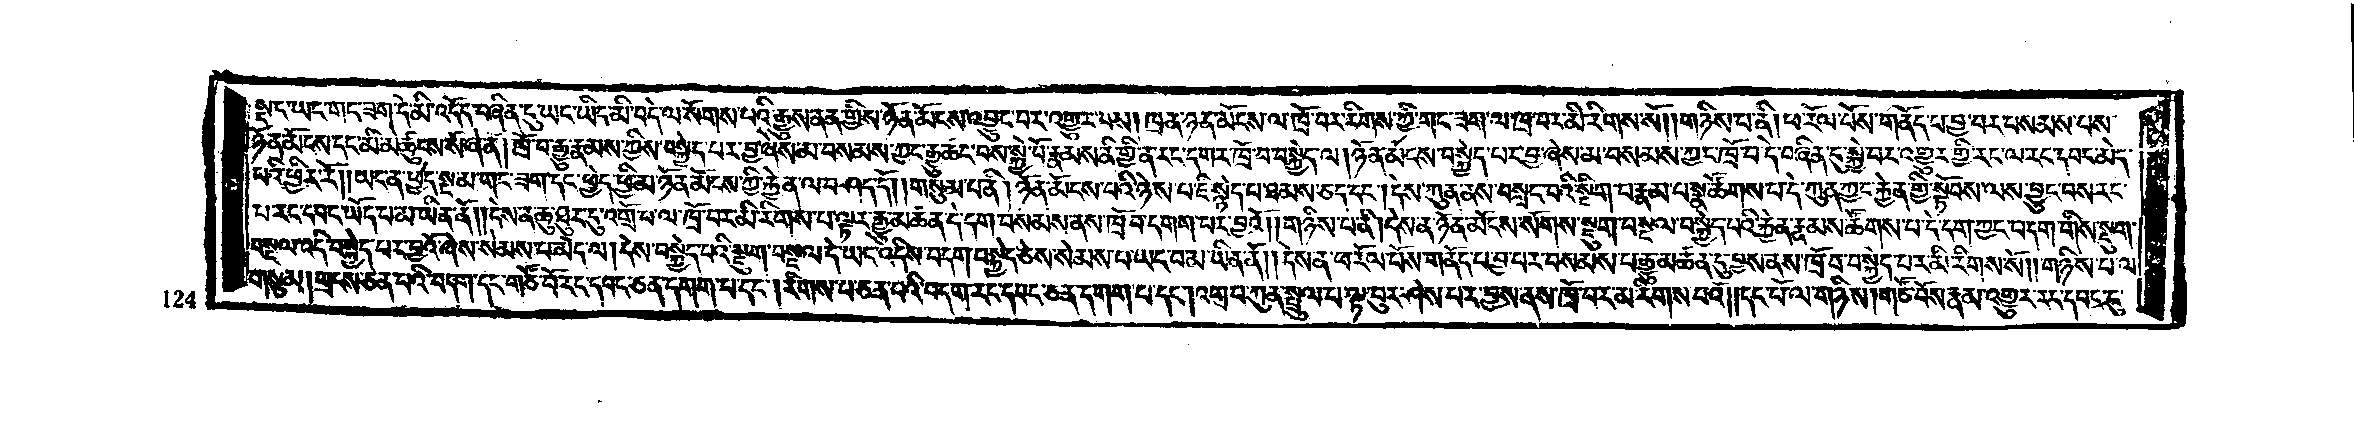སྡང་ཡང་གང་ཟག་དེ་མི་འདོད་བཞིན་དུ་ཡང་ཡིད་མི་བདེ་ལ་སོགས་པའི་རྒྱས་ནན་གྱིས་ཉོན་མོངས་འབྱུང་བར་འགྱུར་བས། ཁྲན་ཉོན་མོངས་ལ་ཁྲོ་བར་རིགས་ཀྱི་གང་ཟག་ལ་ཁྲ་བར་མི་རིགས་སོ། །གཉིས་པ་ནི། ཕ་རོལ་པོས་གནོད་པ་བྱ་བར་བསམས་པས་
ཉོན་མོངས་དང་མི་མཚུངས་སོ་ཞེ་ན། ཁྲོ་བ་རྒྱུ་རྣམས་ཀྱིས་བསྐྱེད་པར་བྱ་ཞེས་མ་བསམས་ཀྱང་རྒྱུ་ཚང་བས་སྐྱེ་བོ་རྣམས་ནི་གྱི་ན་རང་དགར་ཁྲོ་བ་བསྐྱེད་ལ། ཉོན་མོངས་བསྐྱེད་པར་བྱ་ཞེས་མ་བསམས་ཀྱང་ཁྲོ་བ་དེ་བཞིན་དུ་སྐྱེ་བར་འགྱུར་གྱི་རང་ལ་རང་དབང་མེད་
པའི་ཕྱིར་རོ། །ཡང་ན་ཕྱེད་སྔ་མ་གང་ཟག་དང་ཕྱེད་ཕྱི་མ་ཉོན་མོངས་ཀྱི་རྐྱེན་ལ་བཤད་དོ། །གསུམ་པ་ནི། ཉོན་མོངས་པའི་ཉེས་པ་ཇི་སྙེད་པ་ཐམས་ཅད་དང་། དེས་ཀུན་ནས་བསླང་བའི་སྡིག་པ་རྣམ་པ་སྣ་ཚོགས་པ་དེ་ཀུན་ཀྱང་རྐྱེན་གྱི་སྟོབས་ལས་བྱུང་བས་རང་
བ་རང་དང་ཡོད་པ་མ་ཡིན་ནོ། །དེས་ན་ཆུ་ཐུར་དུ་འགྲོ་བ་ལ་ཁྲོ་བར་མི་རིགས་པ་ལྟར་རྒྱུ་མཚན་དེ་དག་བསམས་ནས་ཁྲོ་བ་དགག་པར་བྱའོ། །གཉིས་པ་ནི། དེས་ན་ཡོན་མོངས་སོགས་སྡུག་བསྔལ་བསྐྱེད་པའི་རྐྱེན་རྣམས་ཚོགས་པ་དེ་དག་ཀྱང་བདག་གིས་སྡུག་
བསྔལ་འདི་བསྐྱེད་པར་བྱའོ་ཞེས་སེམས་པ་མེད་ལ། དེས་བསྐྱེད་པའི་སྡུག་བསྔལ་དེ་ཡང་འདིས་བདག་བསྐྱེད་ཅེས་སེམས་པ་ཡང་བམ་ཡིན་ནོ། །དེས་ན་ཕ་རོལ་པོས་གནོད་པ་བྱ་བར་བསམས་པ་རྒྱུ་མཚན་དུ་བྱས་ནས་ཁྲོ་བ་བསྐྱེད་པར་མི་རིགས་སོ། །གཉིས་པ་ལ་
གསུམ༑ གྲངས་ཅན་པའི་བདག་དང་གཙོ་བོ་རང་དབང་ཅན་དགག་པ་དང་། རིགས་པ་ཅན་པའི་བདག་རང་དབང་ཅན་དགག་པ་དང་། འགྲོ་བ་ཀུན་སྤྲུལ་པ་ལྟ་བུར་ཤེས་པར་བྱས་ནས་ཁྲོ་བར་མ་རིགས་པའོ། །དང་པོ་ལ་གཉིས། གཙོ་བོས་རྣམ་འགྱུར་རང་དབང་དུ་